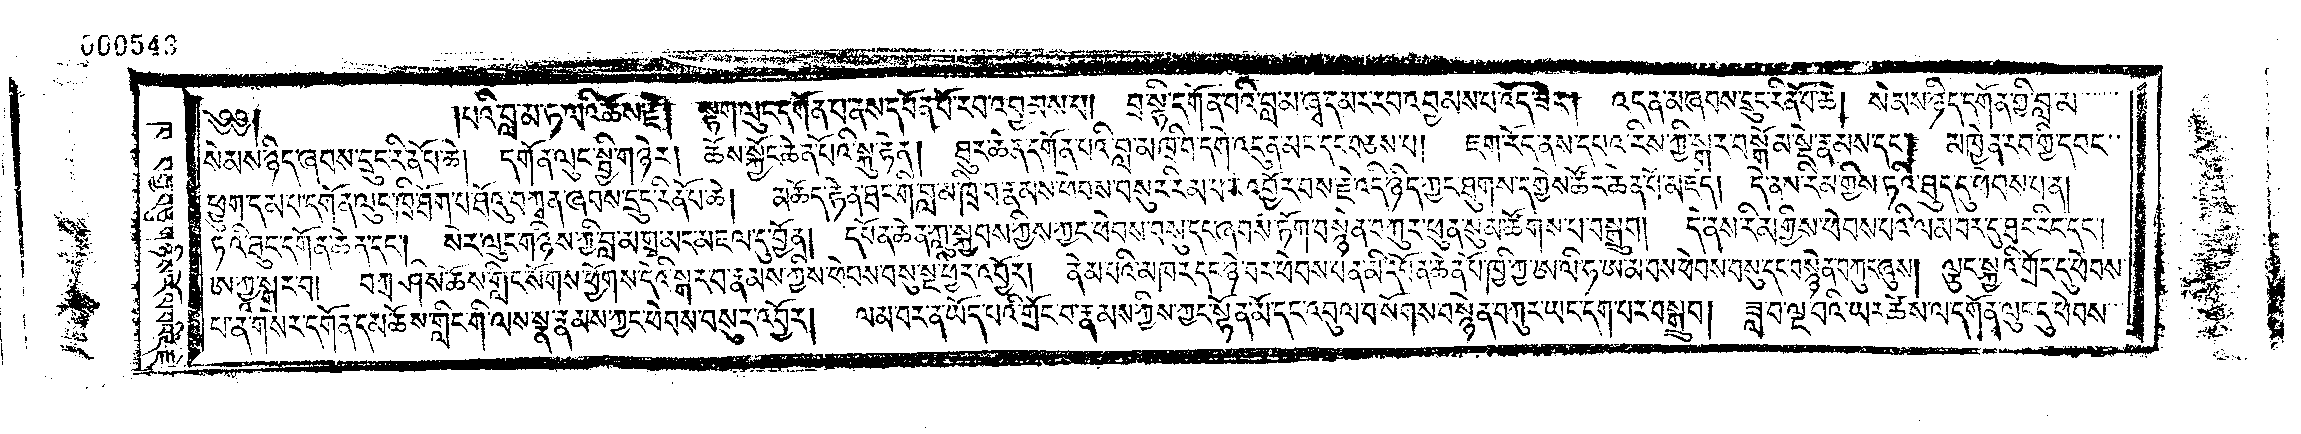༄༅། །པའི་བླ་མ་ཏ་ལའི་ཆོས་རྗེ། སྟག་ལུང་དགོན་པ་ནས་དབོན་པོ་རབ་འབྱམས་པ། པྲ་སྟི་དགོན་པའི་བླ་མ་ཞྭ་དམར་རབ་འབྱམས་པ་འོད་ཟེར། འདན་མ་ཞབས་དྲུང་རིན་པོ་ཆེ། སེམས་ཉིད་དགོན་གྱི་བླ་མ་
སེམས་ཉིད་ཞབས་དྲུང་རིན་པོ་ཆེ། དགོན་ལུང་སྤྱི་གཉེར། ཆོས་སྐྱོང་ཆེན་པོའི་སྐུ་རྟེན། ཐུར་ཆེན་དགོན་བའི་བླ་མ་ཁྲི་བ་དགེ་འདུན་མང་དང་བཅས་པ། ཇག་རོད་ནས་དཔའ་རིས་ཀྱི་སྒར་བ་སྒོམ་སྡེ་རྣམས་དང་། མཁྱེན་རབ་ཀྱི་དབང་
ཕྱུག་དམ་པ་དགོན་ལུང་ཁྲི་ཐོག་པ་ཐོའུ་བཀྭན་ཞབས་དྲུང་རིན་པོ་ཆེ། མཆོད་རྟེན་ཐང་གི་བླ་མ་ཁྲི་པ་རྣམས་ཕེབས་བསུར་རིམ་པར་འབྱོར་བས་རྗེ་འདི་ཉིད་ཀྱང་ཐུགས་དགྱེས་ཚོར་ཆེན་པོ་མཛད། དེ་ནས་རིམ་གྱིས་ཏའི་ཐུད་དུ་ཕེབས་པ་ན།
ཏའི་ཐུང་དགོན་ཆེན་དང་། སེར་ལུང་གཉིས་ཀྱི་བླ་མ་གྲྭ་མང་མཇལ་དུ་བྱོན། དཔོན་ཆེན་ཀླུ་སྐྱབས་ཀྱིས་ཀྱང་ཕེབས་བསུ་དང་ཞབས་ཏོག་བསྙེན་བཀུར་ཕུན་སུམ་ཚོགས་པ་བསྒྲུབ། དེ་ནས་རིམ་གྱིས་ཕེབས་པའི་ལམ་པར་དུ་ཐང་རིང་དང་།
ཨ་ཀྱཱ་སྒྲར་པ། བཀྲ་ཤིས་ཆོས་གླིང་སོགས་ཕྱོགས་དེའི་སྒར་བ་རྣམས་ཀྱིས་ཕེབས་བསུ་སྔ་ཕྱིར་འབྱོར། ནེམ་པའི་མཁར་དང་ཉེ་བར་ཕེབས་པ་ན་མི་དཔོན་ཆེན་པོ་ཁྱི་ཀྱ་ཨ་ལི་ཧ་ཨ་མ་བས་ཕེབས་བསུ་དང་བསྙེན་བཀུར་ཞུས། ལྕང་སྐྱའི་གྲོང་དུ་ཕེབས་
པ་ན་གེ་སེར་དགོན་དམ་ཆོས་གླིང་གི་ལས་སྣ་རྣམས་ཀྱང་ཕེབས་བསུར་འབྱོར། ལམ་བར་ན་ཡོད་པའི་གྲོང་པ་རྣམས་ཀྱིས་ཀྱང་སྟོན་མོ་དང་འབུལ་བ་སོགས་བསྙེན་བཀུར་ཡང་དག་པར་བསྒྲུབ། ཟླ་བ་ལྔ་པའི་ཡར་ཚེས་ལ་དགོན་ལུང་དུ་ཕེབས་